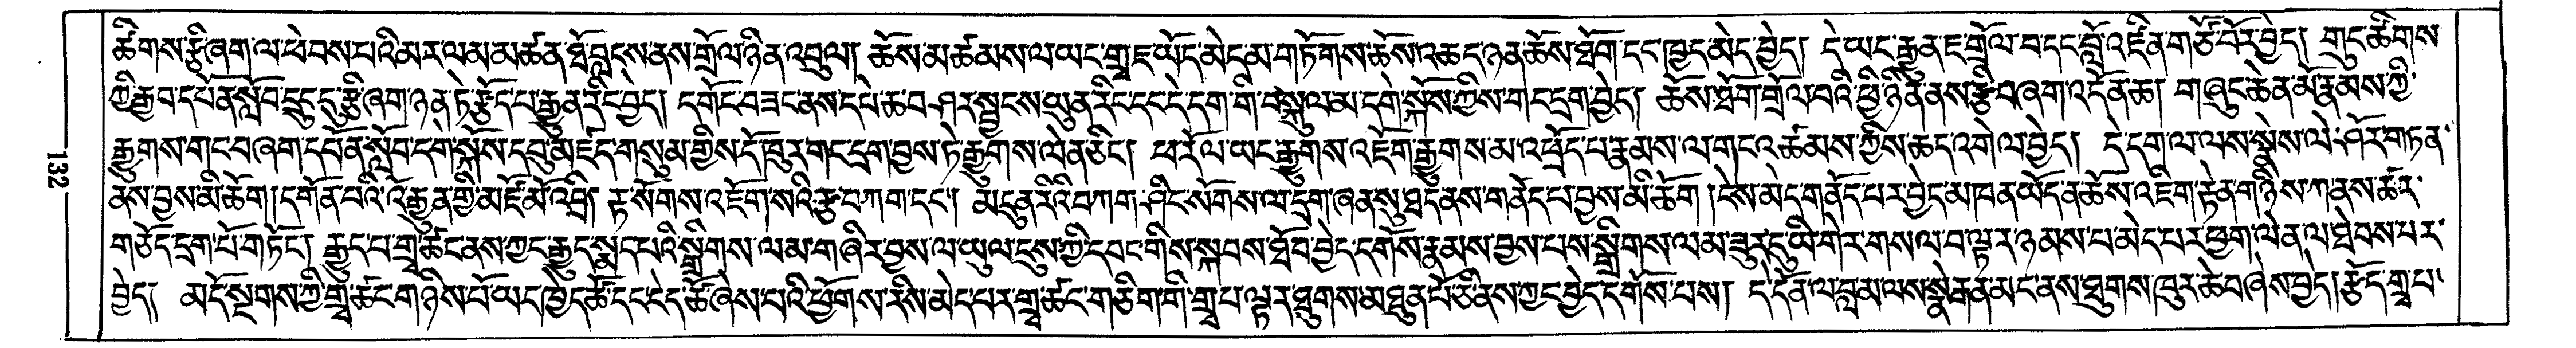ཚིགས་རྩི་ཞག་ལ་ཕེབས་པའི་མར་ལམ་མཚན་ཐོ་བླངས་ནས་གྲོལ་ཉིན་འབུལ། ཆོས་མཚམས་ལ་ཡང་གྲྭ་ཇ་ཡོད་མེད་མ་གཏོགས་ཆོས་འཆད་ཉན་ཆོས་ཐོག་དང་ཁྱད་མེད་བྱེད། དེ་ཡང་རྒྱུན་ཇ་གྲོལ་བ་དང་བློ་འཛིན་གཙོ་བོར་བྱེད། གུང་ཚིགས་
ཀྱི་རྒྱབ་དཔོན་སློབ་དྲུང་དུ་རྩི་ཞག་ཉན་ཏེ་རྩོད་པ་རྒྱུན་རིང་བྱེད། དགོང་བཟང་ནས་དཔེ་ཆ་བཤར་སྤྱངས་ཡུན་རིང་དང་དེ་དག་གི་བསྐུལ་མ་དགེ་སྐོས་ཀྱིས་གང་དྲག་བྱེད། ཆོས་ཐོག་གྲོལ་བའི་ཕྱི་ཉིན་ནས་རྩི་བཞག་འདོན་ཆ། གཞུང་ཆེན་མོ་རྣམས་ཀྱི་
རྒྱུགས་གང་བཞག་དཔོན་སློབ་དགེ་སྐོས་དབུ་མཛད་གསུམ་གྱིས་དོ་ཁུར་གང་དྲག་བྱས་ཏེ་རྒྱུགས་ལེན་ཅིང་། ཕར་ལ་ཡང་རྒྱུགས་འཇོག་རྒྱུགས་མ་འཕྲོད་པ་རྣམས་ལ་གང་འཚམས་ཀྱིས་ཆད་འགེལ་བྱེད། དེ་དག་ལ་ལས་སྣེས་ལེ་ཤོར་གཏན་
ནས་བྱས་མི་ཆོག །དགོན་པའི་འོ་རྒྱུན་གྱི་མཛོ་མོ་འབྲི། རྟ་སོགས་འཇོག་སའི་རྩ་བཀག་དང་། མདུན་རིའི་བཀག་ཤིང་སོགས་ལ་དྲག་ཞན་སུ་ཐད་ནས་གནོད་པ་བྱས་མི་ཆོག །ངེས་མེད་གནོད་པར་བྱེད་མཁན་ཡོད་ན་ཆོས་འཇིག་རྟེན་གཉིས་ཀ་ནས་ཚར་
གཅོད་དྲག་པོ་གཏོང་། རྒྱུད་པ་གྲྭ་ཚང་ནས་ཀྱང་རྒྱུད་སྨད་པའི་སྒྲིགས་ལམ་གཞིར་བྱས་ལ་ཡུལ་དུས་ཀྱི་དབང་གིས་སྐབས་ཐོབ་བྱེད་དགོས་རྣམས་བྱས་པས་སྒྲིགས་ལམ་ཟུར་དུ་ཡི་གེར་གསལ་བ་ལྟར་ཉམས་པ་མེད་པར་ཕྱག་ལེན་ལ་ཐེབས་པར་
བྱེད༑ མདོ་སྔགས་ཀྱི་གྲྭ་ཚང་གཉིས་པོ་ཡང་ཁྱེད་ཚོ་དང་དེད་ཚོ་ཞེས་པའི་ཕྱོགས་རིས་མེད་པར་གྲྭ་ཚང་གཅིག་གི་གྲྭ་པ་ལྟར་ཐུགས་མཐུན་པོ་ཅི་ནས་ཀྱང་བྱེད་དགོས་པས། དེ་དོན་ལ་བླ་མ་ལས་སྣེ་རྒན་མང་ནས་ཐུགས་ཁུར་ཆེ་བཞེས་བྱེད། རྩོད་གྲྭ་བ་